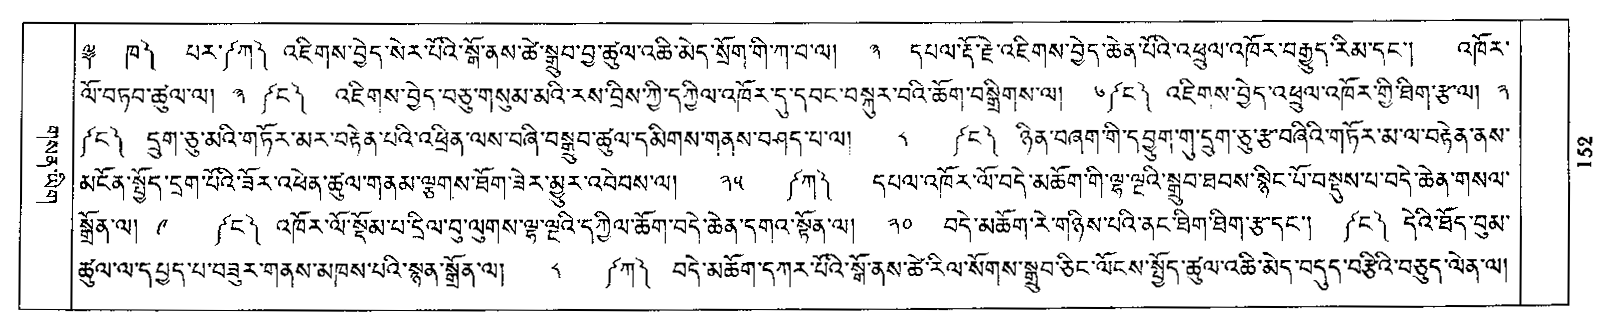༈ ཁ྄་པར་ཀ྄་འཇིགས་བྱེད་སེར་པོའི་སྒོ་ནས་ཚེ་སྒྲུབ་བྱ་ཚུལ་འཆི་མེད་སྲོག་གི་ཀ་བ་ལ། ༣་དཔལ་རྡོ་རྗེ་འཇིགས་བྱེད་ཆེན་པོའི་འཕྲུལ་འཁོར་བརྒྱུད་རིམ་དང་། འཁོར་
ལོ་བཏབ་ཚུལ་ལ། ༣ ༼ང྄་འཇིགས་བྱེད་བཅུ་གསུམ་མའི་རས་བྲིས་ཀྱི་དཀྱིལ་འཁོར་དུ་དབང་བསྐུར་བའི་ཆོག་བསྒྲིགས་ལ། ༦་༽ང྄་འཇིགས་བྱེད་འཕྲུལ་འཁོར་གྱི་ཐིག་རྩ་ལ། ༢
༼ང྄་དྲུག་ཅུ་མའི་གཏོར་མར་བརྟེན་པའི་འཕྲིན་ལས་བཞི་བསྒྲུབ་ཚུལ་དམིགས་གནས་བཤད་པ་ལ། ༨་༽ང྄་ཉིན་བཞག་གི་དབྱུག་གུ་དྲུག་ཅུ་རྩ་བཞིའི་གཏོར་མ་ལ་བརྟེན་ནས་
མངོན་སྤྱོད་དྲག་པོའི་ཟོར་འཕེན་ཚུལ་གནམ་ལྕགས་ཐོག་ཟེར་མྱུར་འབེབས་ལ། ༢༥་ཀ྄་དཔལ་འཁོར་ལོ་བདེ་མཆོག་གི་ལྷ་ལྔའི་སྒྲུབ་ཐབས་སྙིང་པོ་བསྡུས་པ་བདེ་ཆེན་གསལ་
སྒྲོན་ལ། ༩ ༼ང྄་འཁོར་ལོ་སྡོམ་པ་དྲིལ་བུ་ལུགས་ལྷ་ལྔའི་དཀྱིལ་ཆོག་བདེ་ཆེན་དགའ་སྟོན་ལ། ༢༠་བདེ་མཆོག་རེ་གཉིས་པའི་ནང་ཐིག་ཐིག་རྩ་དང་། ༽ང྄་དེའི་ཐོད་བུམ་
ཚུལ་ལ་དཔྱད་པ་བཟུར་གནས་མཁས་པའི་སྙན་སྒྲོན་ལ། ༨་ཀ྄་བདེ་མཆོག་དཀར་པོའི་སྒོ་ནས་ཚེ་རིལ་སོགས་སྒྲུབ་ཅིང་ལོངས་སྤྱོད་ཚུལ་འཆི་མེད་བདུད་བརྩིའི་བཅུད་ལེན་ལ།